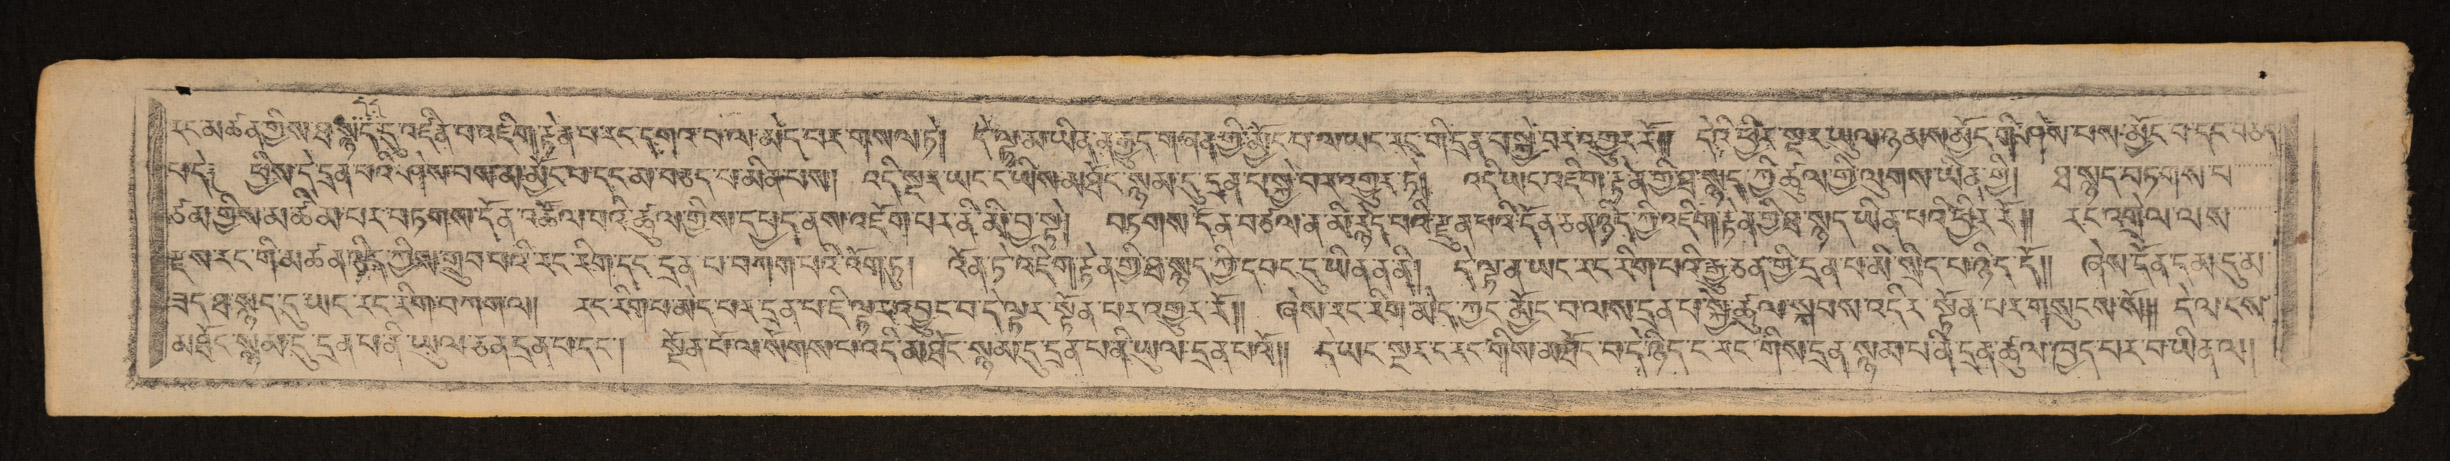རང་མཚན་གྱིས་ཐ་སྙད་དུ་འཛིན་པ་འཇིག་རྟེན་པ་རང་དགའ་བ་ལ་མེད་པར་གསལ་ཏེ། དེ་ལྟ་མ་ཡིན་ན་རྒྱུད་གཞན་གྱི་མྱོང་བ་ལ་ཡང་རང་གི་དྲན་པ་སྐྱེ་བར་འགྱུར་རོ།། དེའི་ཕྱིར་སྔར་ཡུལ་ཉམས་མྱོང་གི་ཤེས་པས་མྱོང་བ་དང་བཅད་
པ་དེ། ཕྱིས་དེ་དྲན་པའི་ཤེས་པས་མ་མྱོང་བ་དང་མ་བཅད་པ་མིན་པས། འདི་སྔར་ཡང་ང་ཡིས་མཐོང་སྙམ་དུ་དྲན་པ་སྐྱེ་བར་འགྱུར་ཏེ། འདི་ཡང་འཇིག་རྟེན་གྱི་ཐ་སྙད་ཀྱི་ཚུལ་གྱི་ལུགས་ཡིན་གྱི། ཐ་སྙད་བཏགས་པ་
ཙམ་གྱིས་མ་ཚིམ་པར་བཏགས་དོན་འཚོལ་བའི་ཚུལ་གྱིས་དཔྱད་ནས་འཇོག་པར་ནི་མི་བྱ་སྟེ། བཏགས་དོན་བཙལ་ན་མི་རྙེད་པའི་རྫུན་པའི་དོན་ཅན་ཉིད་ཀྱི་འཇིག་རྟེན་གྱི་ཐ་སྙད་ཡིན་པའི་ཕྱིར་རོ།། རང་འགྲེལ་ལས་
རྫས་རང་གི་མཚན་ཉིད་ཀྱིས་གྲུབ་པའི་རང་རིག་དང་དྲན་པ་བཀག་པའི་འོག་ཏུ། འོན་ཏེ་འཇིག་རྟེན་གྱི་ཐ་སྙད་ཀྱི་དབང་དུ་ཡིན་ན་ནི། དེ་ལྟ་ན་ཡང་རང་རིག་པའི་རྒྱུ་ཅན་གྱི་དྲན་པ་མི་སྲིད་པ་ཉིད་དོ།། ཞེས་དོན་དམ་དུ་མ་
ཟད་ཐ་སྙད་དུ་ཡང་རང་རིག་བཀག་ལ། རང་རིག་པ་མེད་པར་དྲན་པ་ཇི་ལྟར་འབྱུང་བ་དེ་ལྟར་སྟོན་པར་འགྱུར་རོ།། ཞེས་རང་རིག་མེད་ཀྱང་མྱོང་བ་ལས་དྲན་པ་སྐྱེ་ཚུལ་སྐབས་འདིར་སྟོན་པར་གསུངས་སོ།། དེ་ལ་ངས་
མཐོང་སྙམ་དུ་དྲན་པ་ནི་ཡུལ་ཅན་དྲན་པ་དང་། སྔོན་པོ་ལ་སོགས་པ་འདི་མཐོང་སྙམ་དུ་དྲན་པ་ནི་ཡུལ་དྲན་པའོ།། དེ་ཡང་སྔར་ང་རང་གིས་མཐོང་བ་དེ་ཉིད་ང་རང་གིས་དྲན་སྙམ་པ་ནི་དྲན་ཚུལ་ཁྱད་པར་བ་ཡིན་ལ།